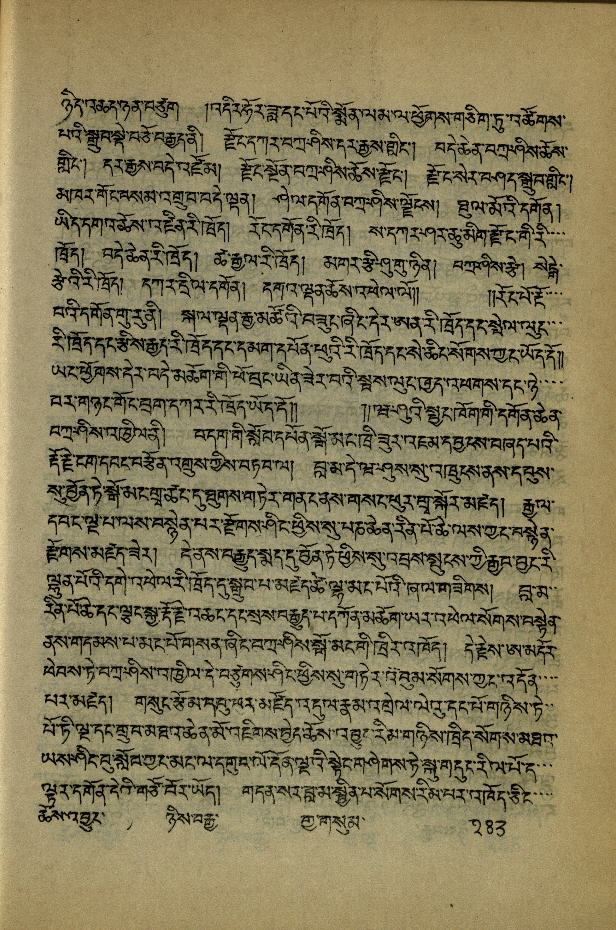ཉིད་འཆད་ཉན་བཙུག །འདིར་ཧོར་ཟླ་དང་པོའི་སྨོན་ལམ་ལ་ཕྱོགས་གཅིག་ཏུ་འཚོགས་
པའི་སྒྲུབ་སྡེ་བཅོ་བརྒྱད་ནི། རྫོང་དཀར་བཀྲ་ཤིས་དར་རྒྱས་གླིང་། བདེ་ཆེན་བཀྲ་ཤིས་ཆོས་
གླིང་། དར་རྒྱས་བདེ་འཛོམ། རྫོང་སྔོན་བཀྲ་ཤིས་ཆོས་རྫོང་། རྫོང་སེར་བཤད་སྒྲུབ་གླིང་།
མཁར་གོང་བསམ་འགྲུབ་བདེ་ལྡན། ཤེལ་དགོན་བཀྲ་ཤིས་ལྗོངས། ཐུལ་མོའི་དགོན།
ཡིད་དགའ་ཆོས་འཛིན་རི་ཁྲོད། རོང་དགོན་རི་ཁྲོད། ས་དཀར་ཤར་ཆུ་མིག་རྫོང་གི་རི་
ཁྲོད། བདེ་ཆེན་རི་ཁྲོད། ཚ་རྒྱལ་རི་ཁྲོད། མགར་རྩི་ཤུ་གུ་ཉིན། བཀྲ་ཤིས་རྩེ། སེངྒེ་
རྩེའི་རི་ཁྲོད། དཀར་དྲི་ལ་དགོན། དགའ་ལྡན་ཆོས་འཕེལ་ལོ།། །།རོང་པོ་རྔོ་
བའི་དགོན་གུ་རུ་ནི། སྐལ་ལྡན་རྒྱ་མཚོའི་བཟུང་ཞིང་དེར་ཨན་རི་ཁྲོད་དང་སྤེལ་ལུང་
རི་ཁྲོད་དང་རྩིས་རྒྱད་རི་ཁྲོད་དང་དམག་དཔོན་ཕུའི་རི་ཁྲོད་དང་སེ་ཆིང་སོགས་ཀྱང་ཡོད་དོ།།
ཡང་ཕྱོགས་དེར་བདེ་མཆོག་གི་ཕོ་བྲང་ཡིན་ཟེར་བའི་སྦས་ལུང་ཁྱད་འཕགས་དང་ཉེ་
བར་གཉང་གོང་བྲག་དཀར་རི་ཁྲོད་ཡོད་དོ།། །།ཝ་ཤུའི་སྤྱང་ཁོག་གི་དགོན་ཆེན་
བཀྲ་ཤིས་འཁྱིལ་ནི། བདག་གི་སློབ་དཔོན་སྒོ་མང་ཁྲི་ཟུར་འཇམ་དབྱངས་བཞད་པའི་
རྡོ་རྗེ་ངག་དབང་བརྩོན་འགྲུས་ཀྱིས་བཏབ་ལ། བླ་མ་དེ་ཝ་ཤུས་སུ་འཁྲུངས་ནས་དབུས་
སུ་བྱོན་ཏེ་སྒོ་མང་གྲྭ་ཚང་དུ་ཐུགས་གཏེར་གནང་ནས་གསང་ཕུར་གྲྭ་སྐོར་མཛད། རྒྱལ་
དབང་ལྔ་པ་ལས་བསྙེན་པར་རྫོགས་ཤིང་ཕྱིས་སུ་པཎ་ཆེན་རིན་པོ་ཆེ་ལས་ཀྱང་བསྙེན་
རྫོགས་མཛད་ཟེར། དེ་ནས་བརྒྱུད་སྨད་དུ་བྱོན་ཏེ་ཕྱིས་སུ་འབྲས་སྤུངས་ཀྱི་རྒྱབ་བྱང་རི་
ལྷུན་པོའི་དགེ་འཕེལ་རི་ཁྲོད་དུ་སྒྲུབ་པ་མཛད་ཚེ་ལྷ་མང་པོའི་ཞལ་གཟིགས། བླ་མ་
རིན་པོ་ཆེ་དང་ལྕང་སྐྱ་རྡོ་རྗེ་འཆང་དང་སྲས་བརྒྱུད་པ་དཀོན་མཆོག་ཡར་འཕེལ་སོགས་བསྟེན་
ནས་གདམས་པ་མང་པོ་གསན་ཞིང་བཀྲ་ཤིས་སྒོ་མང་གི་ཁྲིར་འཁོད། དེ་རྗེས་ཨ་མདོར་
ཕེབས་ཏེ་བཀྲ་ཤིས་འཁྱིལ་དེ་བཙུགས་ཤིང་ཕྱིས་སུ་གཏེར་འབུམ་སོགས་ཀྱང་འདོན་
པར་མཛད། གསུང་རྩོམ་དབུ་ཕར་མཛོད་འདུལ་རྣམ་འགྲེལ་ལེའུ་དང་པོ་གཉིས་ཏེ་
པོ་ཏི་ལྔ་དང་གྲུབ་མཐའ་ཆེན་མོ་འཇིགས་བྱེད་ཆོས་འབྱུང་རིམ་གཉིས་ཁྲིད་སོགས་མཐའ་
ཡས་ཤིང་བུ་སློབ་ཀྱང་མང་ལ་དགུང་ལོ་དོན་ལྔའི་སྟེང་གཤེགས་ཏེ་སྐུ་གདུང་རིལ་པོ་ད་
ལྟར་དགོན་དེའི་གཙོ་བོར་ཡོད། གདན་སར་བླ་མ་སྦྱིན་པ་སོགས་རིམ་པར་འཁོད་ཅིང་